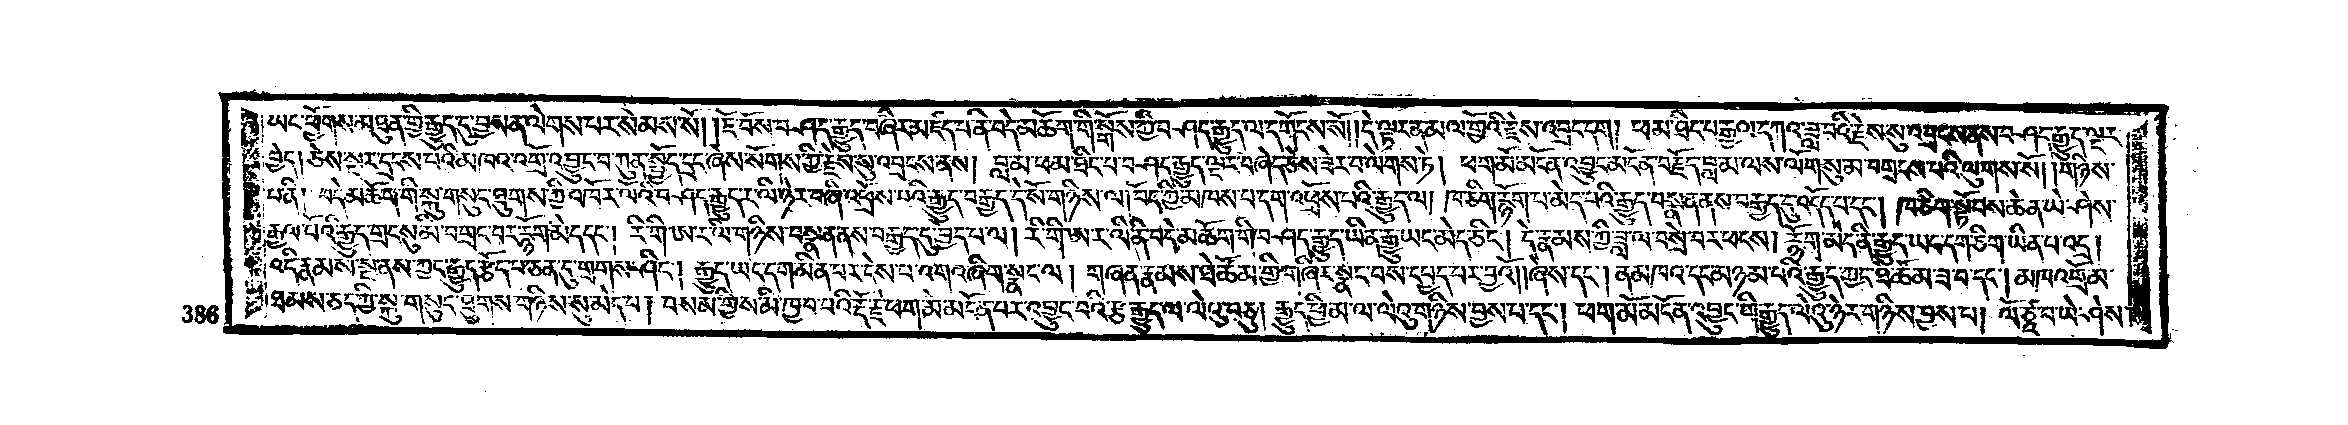ཡང་ཕྱོགས་མཐུན་གྱི་རྒྱུད་དུ་བྱས་ན་ལེགས་པར་སེམས་སོ། །ཇོ་བོས་བཤད་རྒྱུད་བཞིར་མཛད་པ་ནི་བདེ་མཆོག་གི་སྒོས་ཀྱི་བཤད་རྒྱུད་ལ་དགོངས་སོ། །དེ་ལྟར་ན་མལ་གྱོའི་རྗེས་འབྲང་དག །ཕམ་ཐིང་པ་རྒྱལ་དཀའ་ཟླ་བའི་རྗེས་སུ་འབྲངས་ནས་བཤད་རྒྱུད་ལྔར་
བྱེད། ཅེས་སྔར་དྲངས་པའི་མཁའ་འགྲོ་འབྱུང་བ་ཀུན་སྤྱོད་དྲང་ཞེས་སོགས་ཀྱི་རྗེས་སུ་འབྲངས་ནས། བླ་མ་ཕམ་ཐིང་པ་བཤད་རྒྱུད་ལྔར་བཞེད་ཅེས་ཟེར་བ་ལེགས་ཏེ། ཕག་མོ་མངོན་འབྱུང་མངོན་བརྗོད་བླ་མ་ལས་ལོ་གསུམ་བགྲངས་པའི་ལུགས་སོ། །གཉིས་
པ་ནི། བདེ་མཆོག་གི་སྐུ་གསུང་ཐུགས་ཀྱི་འཁོར་ལོའི་བཤད་རྒྱུད་ར་ལི་ཉེར་བཞི་འཕྲོས་པའི་རྒྱུད་བརྒྱད་དེ་སོ་གཉིས་ལ། བོད་ཀྱི་མཁས་པ་དག་འཕྲོས་པའི་རྒྱུད་ལ། ཁ་ཅིག་རྙོག་པ་མེད་པའི་རྒྱུད་བསྣན་ནས་བརྒྱད་དུ་འདོད་པ་དང་། ཁ་ཅིག་སྟོབས་ཆེན་ཡེ་ཤེས་
རྒྱལ་པོའི་རྒྱུད་གྲངས་སུ་མི་བགྲང་བར་རྙོག་མེད་དང་། རི་གི་ཨ་ར་ལི་གཉིས་བསྣན་ནས་བརྒྱད་དུ་བྱེད་པ་ལ། རི་གི་ཨ་ར་ལི་ནི་བདེ་མཆོག་གི་བཤད་རྒྱུད་ཡིན་རྒྱུ་ཡང་མེད་ཅིང་། དེ་རྣམས་ཀྱི་ཟླ་ལ་བསྲེ་བར་ཕངས། རྙོག་མེད་ནི་རྒྱུད་ཡང་དག་ཅིག་ཡིན་པ་འདྲ།
འདི་རྣམས་སྔ་ནས་ཀྱང་རྒྱུད་རྩོད་པ་ཅན་དུ་གྲགས་ཤིང་། རྒྱུད་ཡང་དག་མིན་པར་ངེས་པ་འགའ་ཞིག་སྣང་ལ། གཞན་རྣམས་ཐེ་ཚོམ་གྱི་གཞིར་སྣང་བས་དཔྱད་པར་བྱའོ། །ཞེས་དང་། ནམ་མཁའ་དང་མཉམ་པའི་རྒྱུད་ཀྱང་ཐེ་ཚོམ་ཟ་བ་དང་། མཁའ་འགྲོ་མ་
ཐམས་ཅད་ཀྱི་སྐུ་གསུང་ཐུགས་གཉིས་སུ་མེད་པ། བསམ་གྱིས་མི་ཁྱབ་པའི་རྡོ་རྗེ་ཕག་མོ་མངོན་པར་འབྱུང་བའི་རྩ་རྒྱུད་ལ་ལེའུ་བཅུ། རྒྱུད་ཕྱི་མ་ལ་ལེའུ་གཉིས་བྱས་པ་དང་། ཕག་མོ་མངོན་འབྱུང་གི་རྒྱུད་ལེའུ་ཉེར་གཉིས་བྱས་པ། ལོ་ཙཱ་བ་ཡེ་ཤེས་